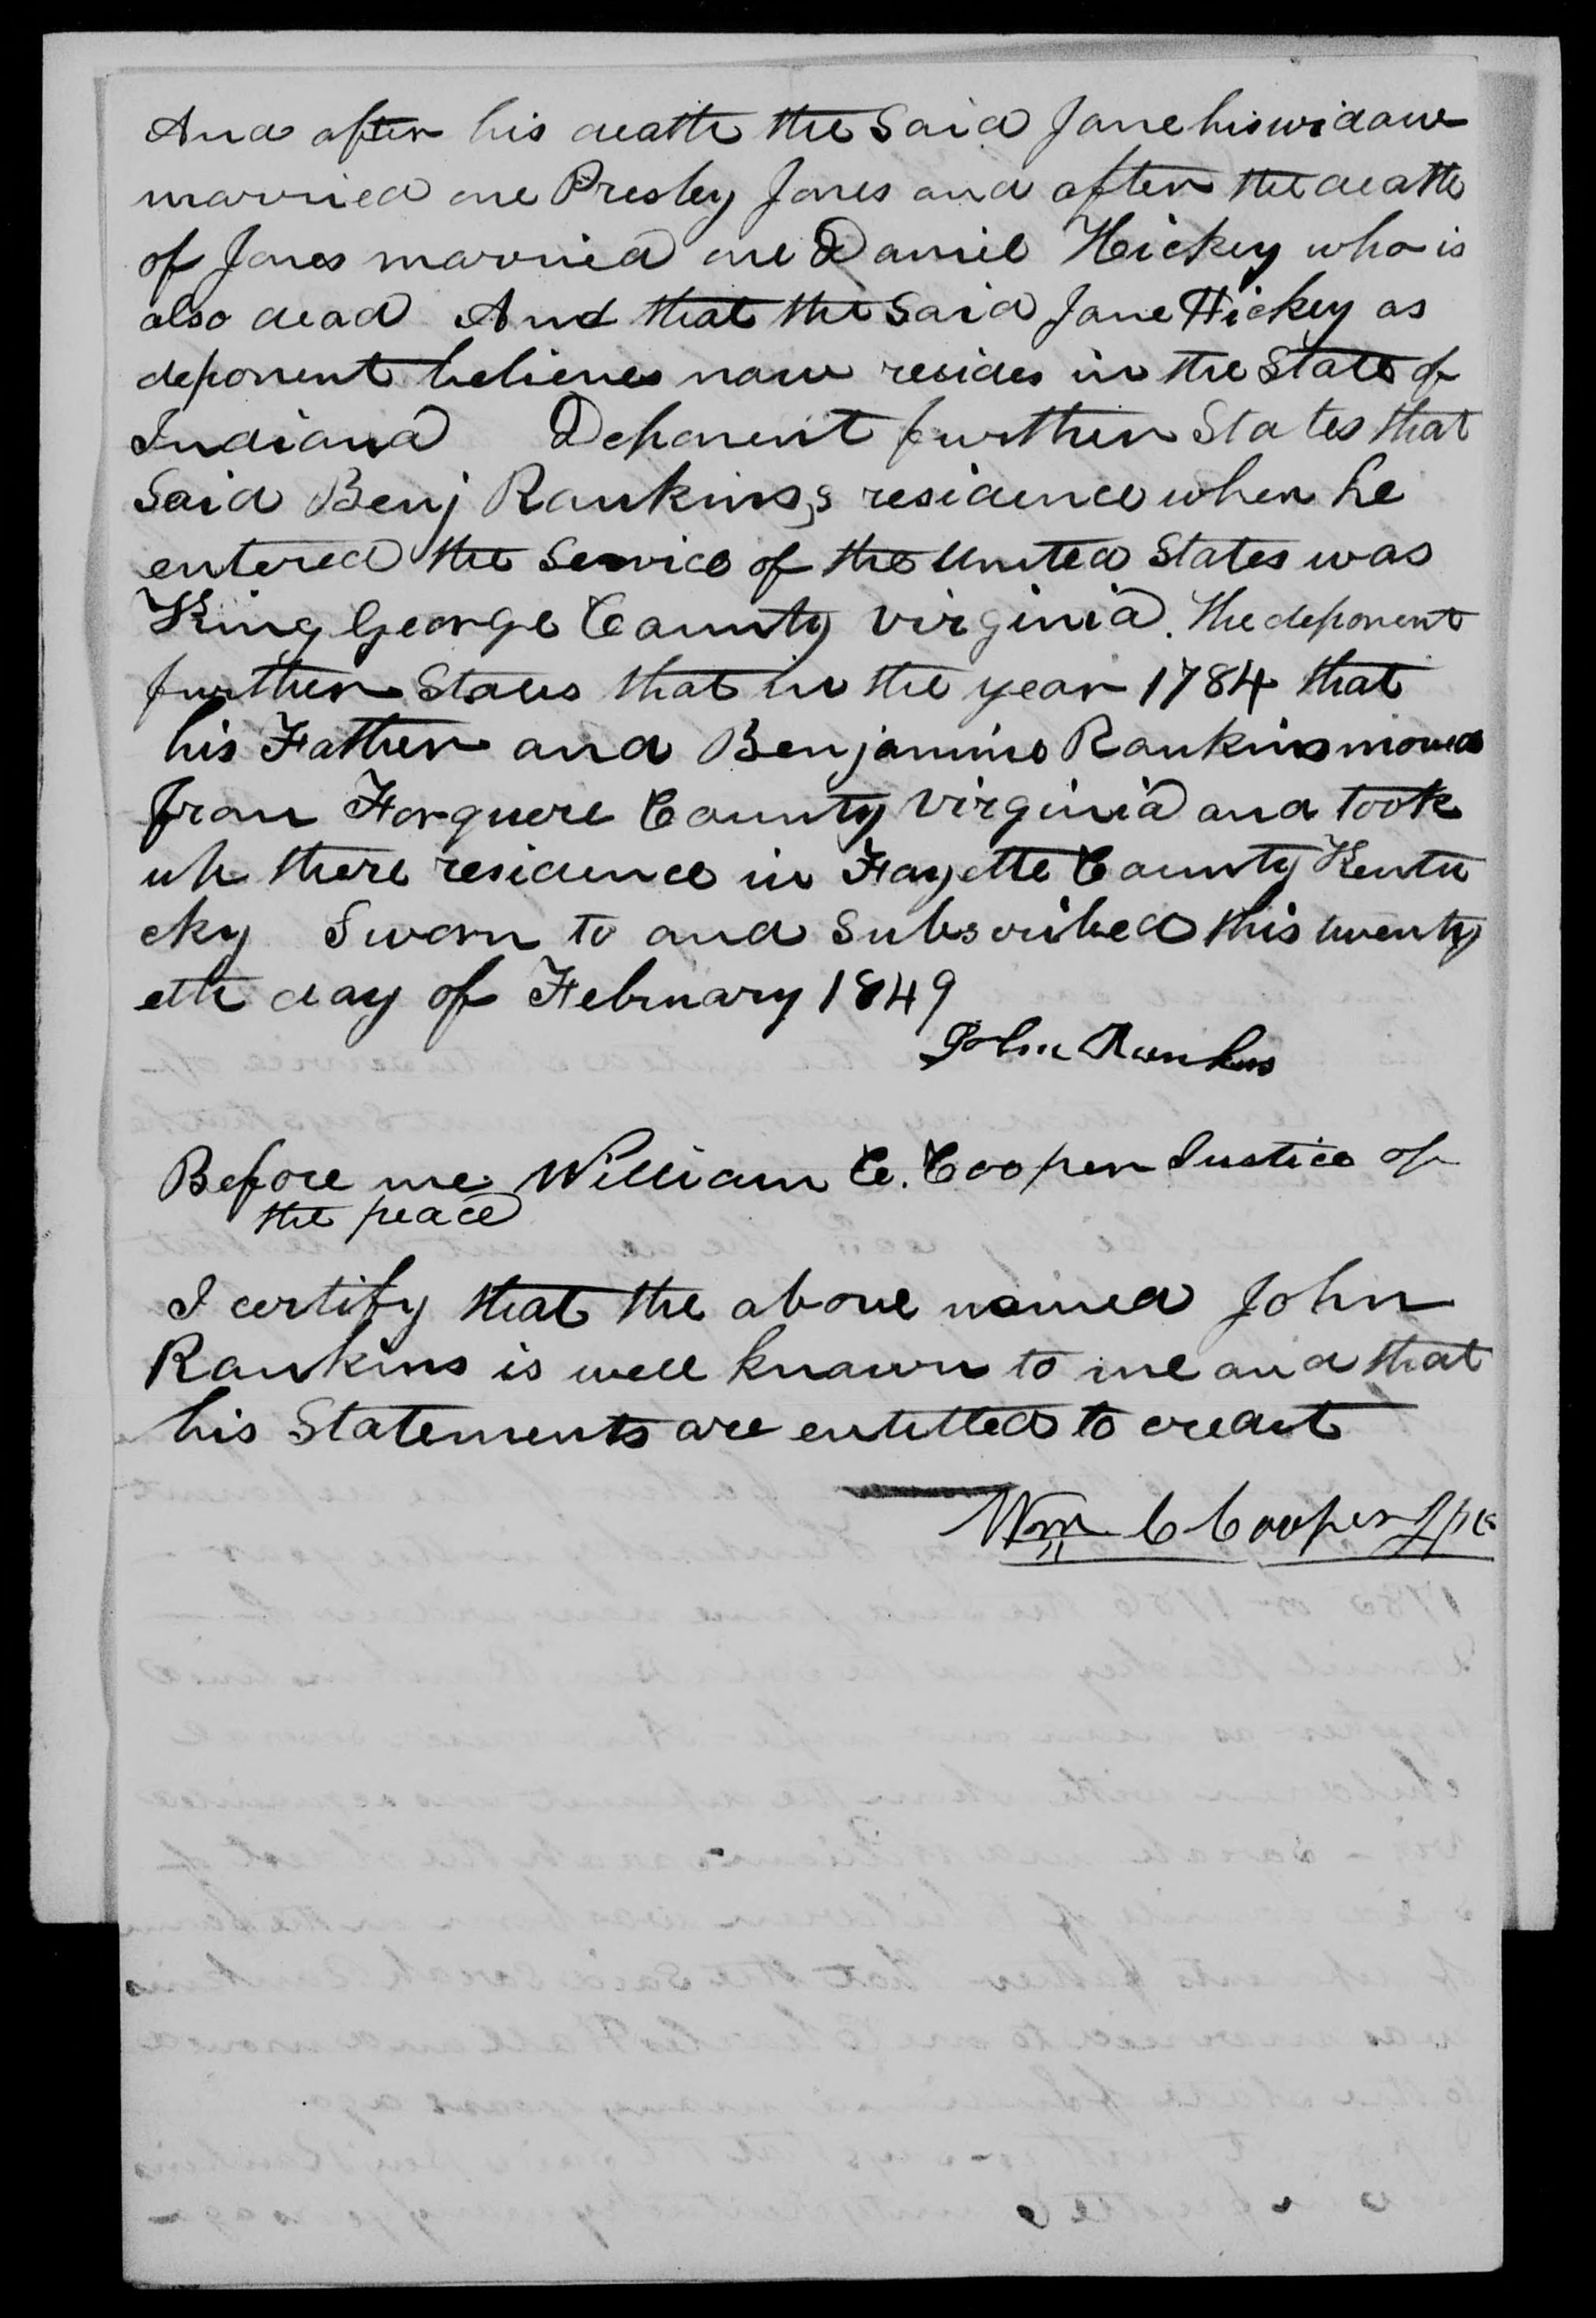And after his death the said Jane his widow
married one Presley Jones and after the death
of Jones married one Daniel Hickey who is
also dead. And that the said Jane Hickey as
deponent believes now resides in the State of
Indiana Deponent further states that said Benj Rankins's residence when he entered the service of the United States was King George County Virginia. The deponent further states that he the year 1784 that his Father and Benjamin Rankins moved from Farquare [Fauquier] County Virginia and took
up there residence in Fayette County Kentucky
Sworn to and subscribed this twentyeth day of February 1849
John Rankins
Before me, William C. Cooper Justice of
the peace
I certify that the above named John
Rankins is well known to me and that
his statements are entitled to credit
W C Cooper JPe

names: Daniel Hickey, Presley Jones, Wm C Cooper, John Rankins, Benj Rankins, William C Cooper, Jones, Jane Hickey, John Rankins, Jane, Benjamine Rankins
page: 43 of 84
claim: widow's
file: W. 7744, Daniel Hickey, Penn.